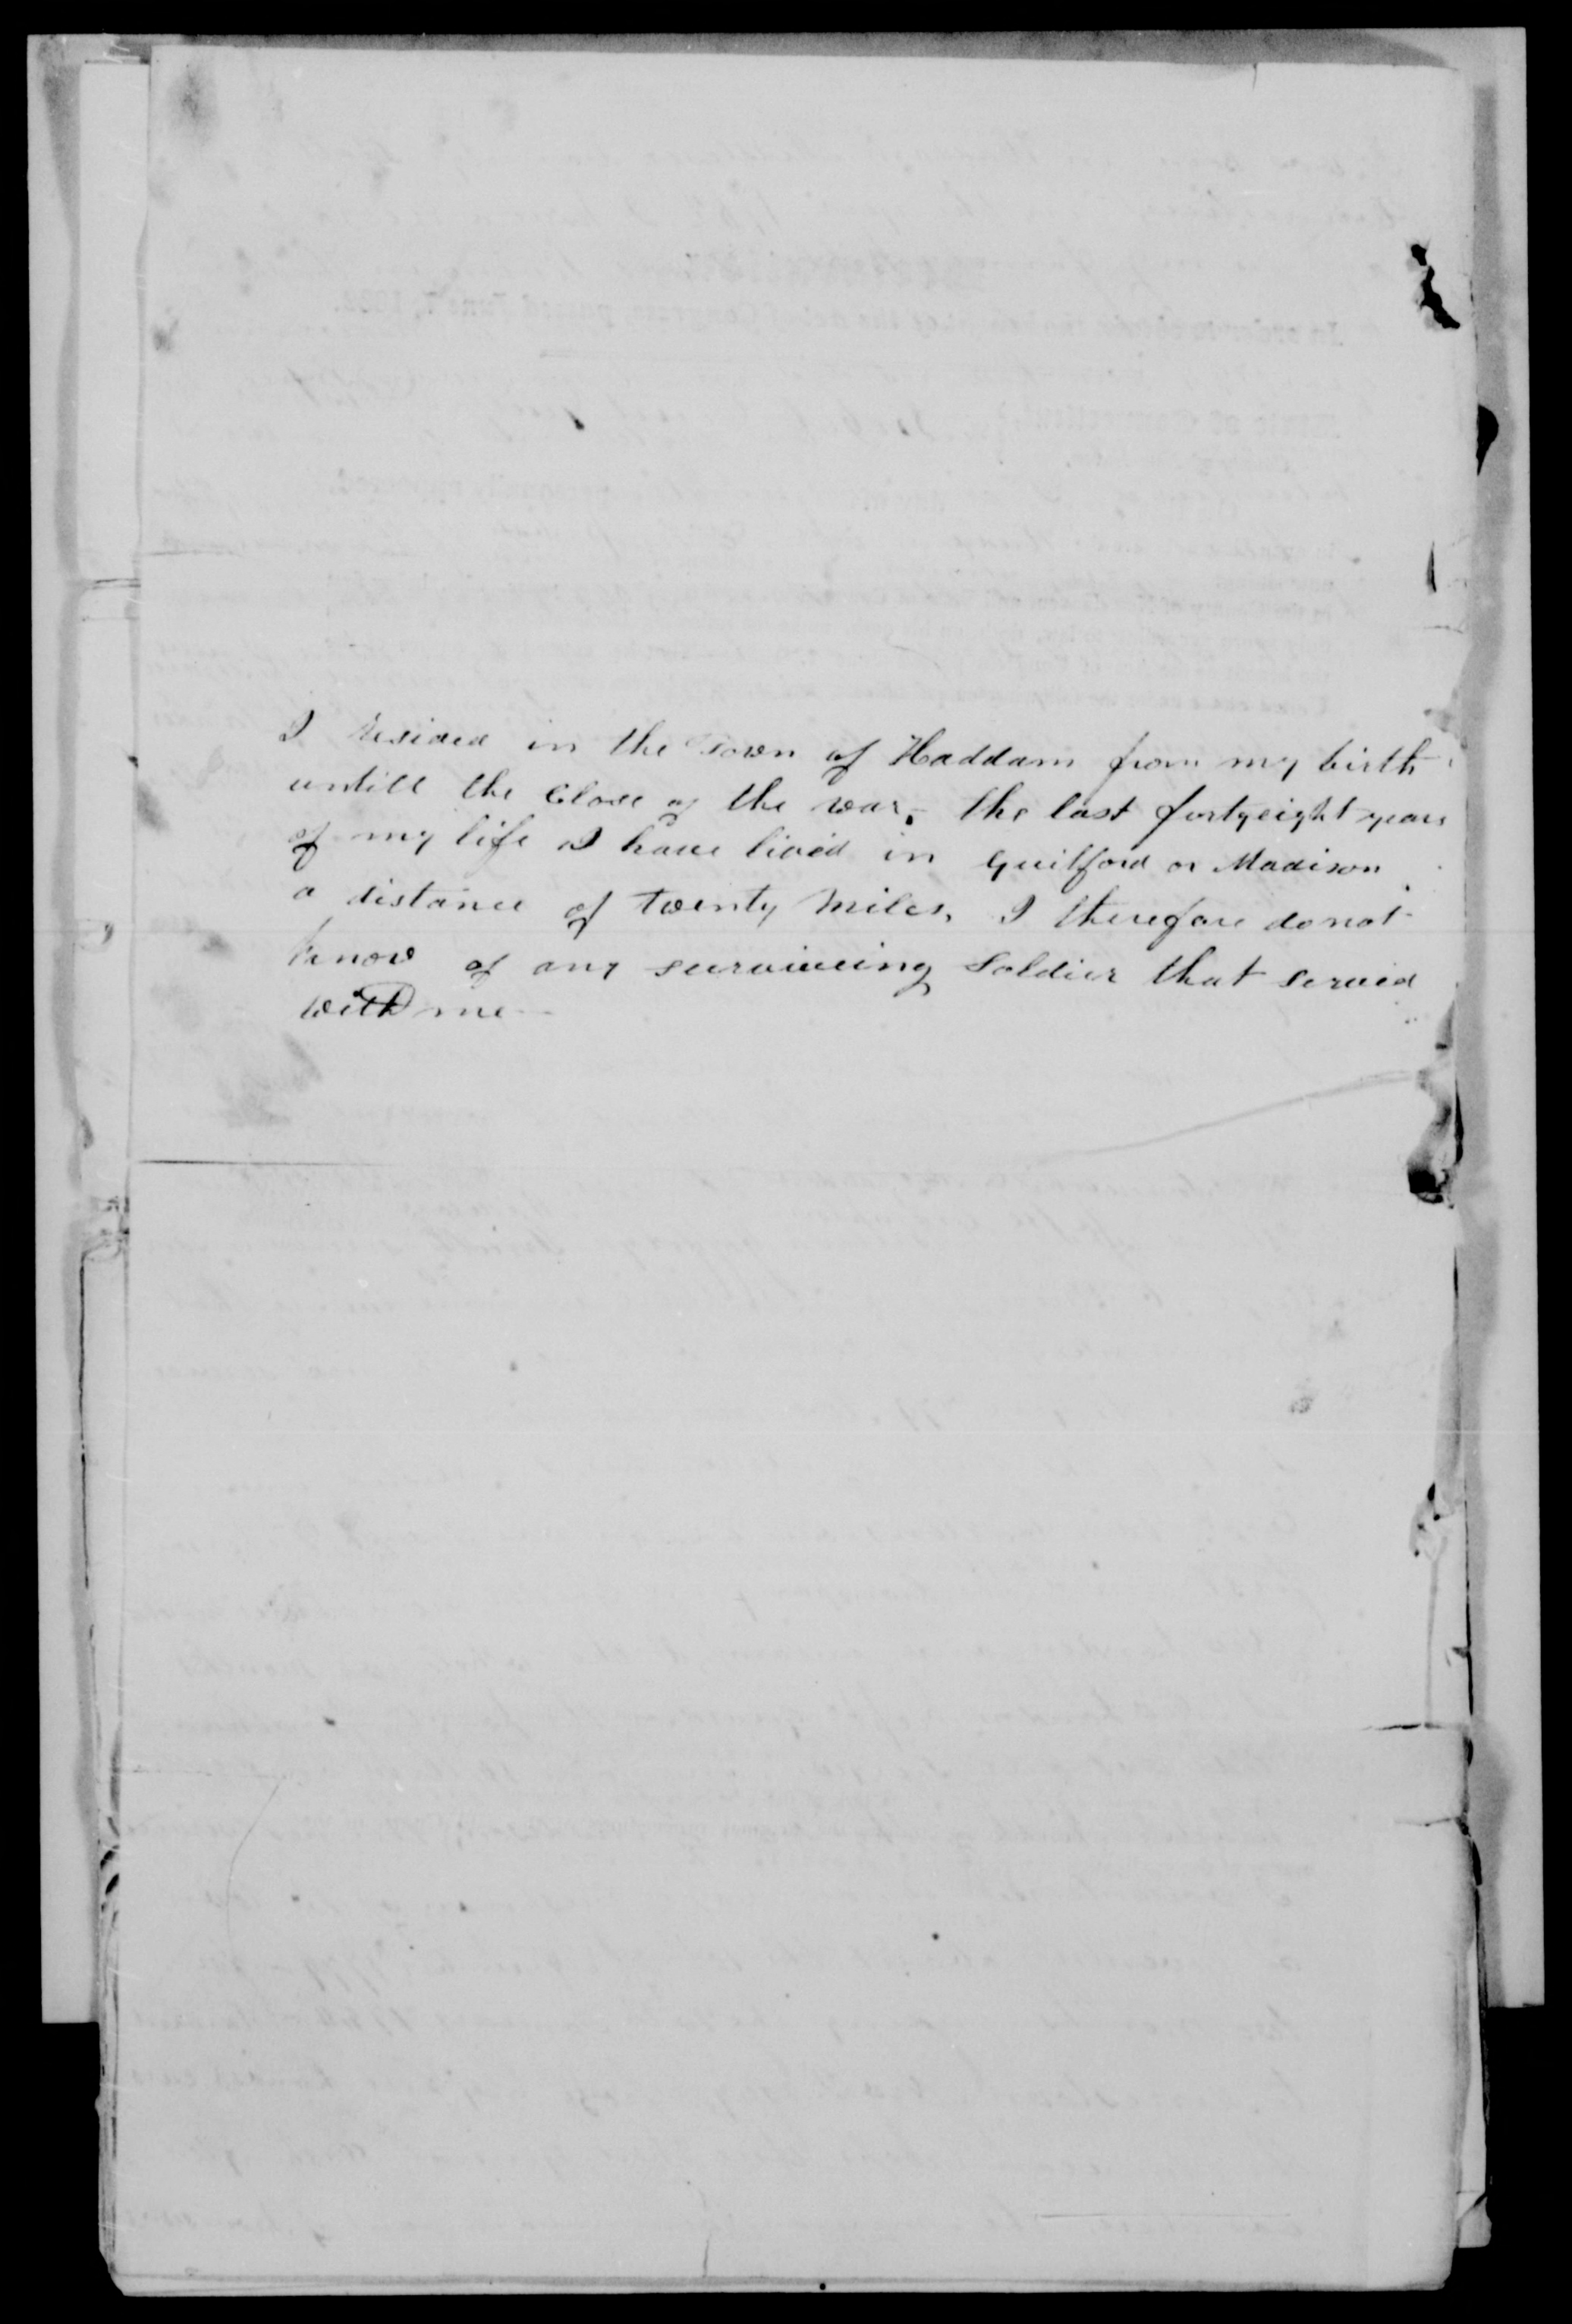I resided in the Town of Haddam from my birth
untill the close of the war. the last forty eight years of my life I have lived in Guilford or Madison a distance of twenty miles, I therefore do not know of any surviving soldier that served
with me.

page: 8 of 19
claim: survivor's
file: S. 16250, for Jeffery Smith, Connecticut